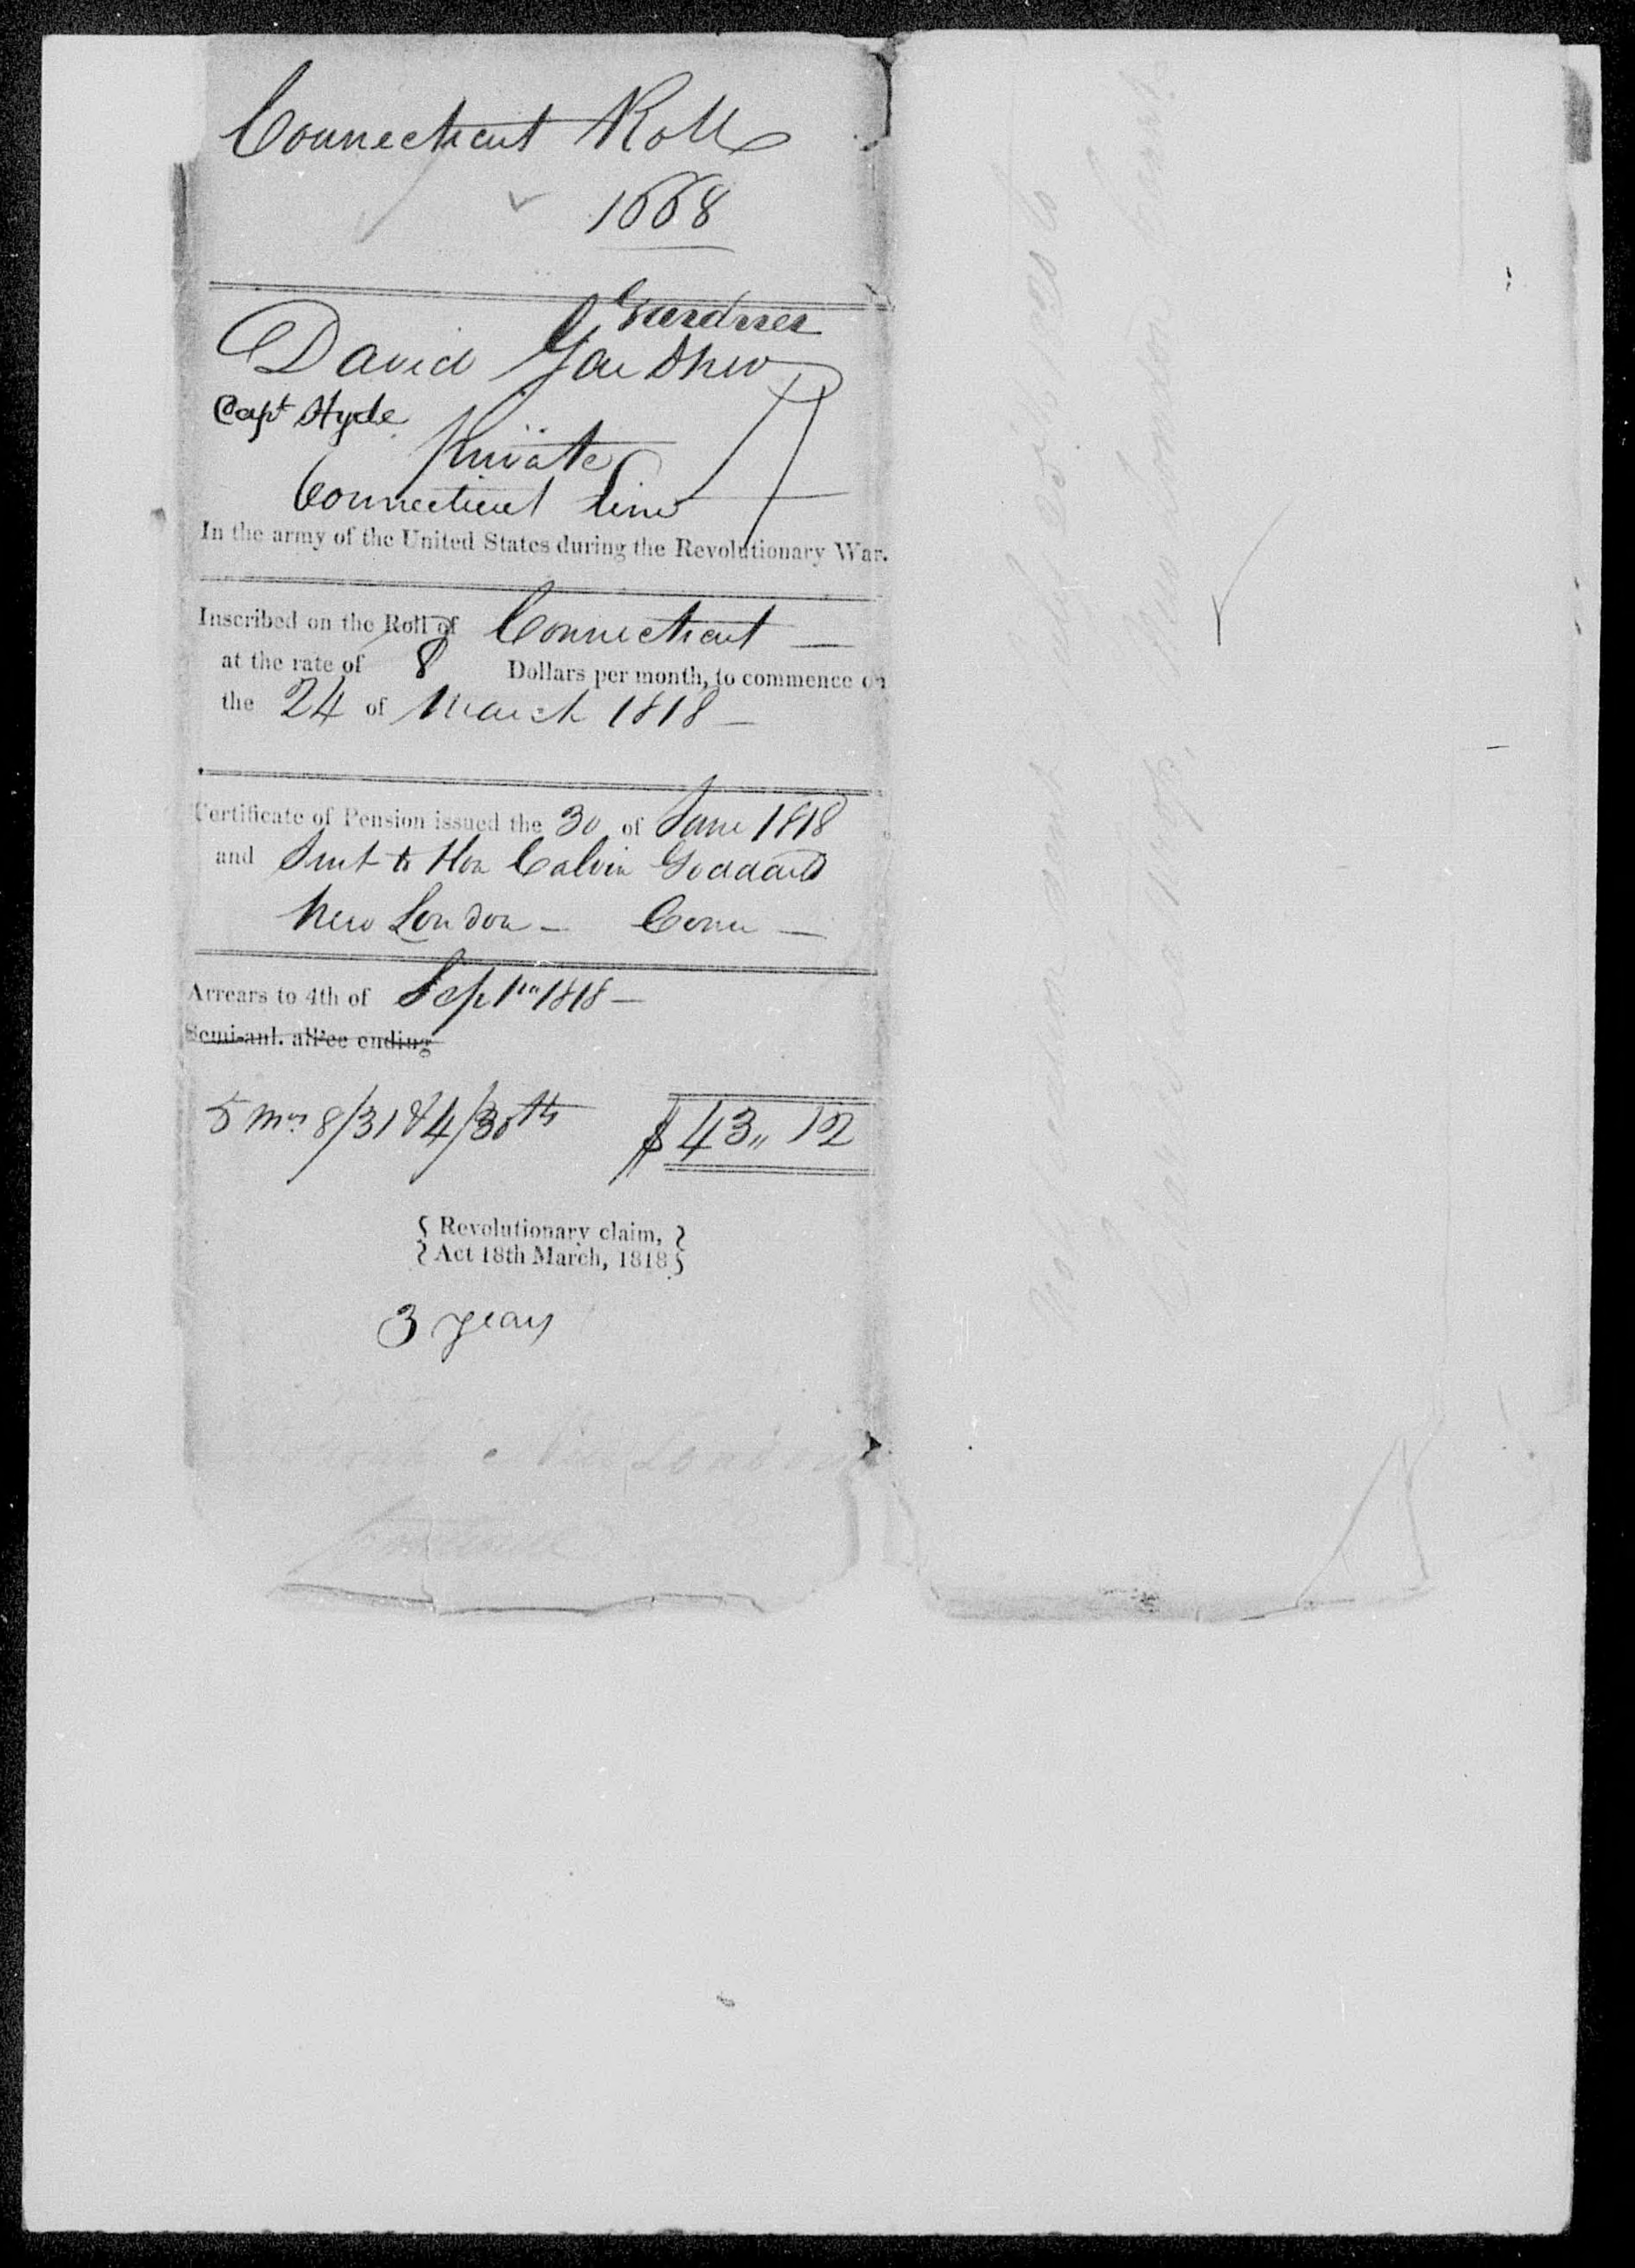Connecticut Rolls
1668
David Gardner 
Gardner
Capt Hyde
Private
Connecticut Line 

In the army of the United States during the Revolutionary War.

Inscribed on the Roll of Connecticut at the rate of 8 Dollars per month, to commence on the 24 of March 1818

Certificate of Pension issued the 30 of June 1818 and sent to Hon Calvin Goddard 
New London - Conn.

Arrears to 4th of Sept 1818
[Crossed out] Semi anl. all'ee ending
5 Mos 8/31 & 4/30th $43.12

{Revolutionary claim,}
{Act 18th March, 1818}

3 years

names: Hyde, Calvin Goddard, David Gardner, Gardner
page: 2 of 66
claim: widow's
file: W 1850, David Gardner, Conn.